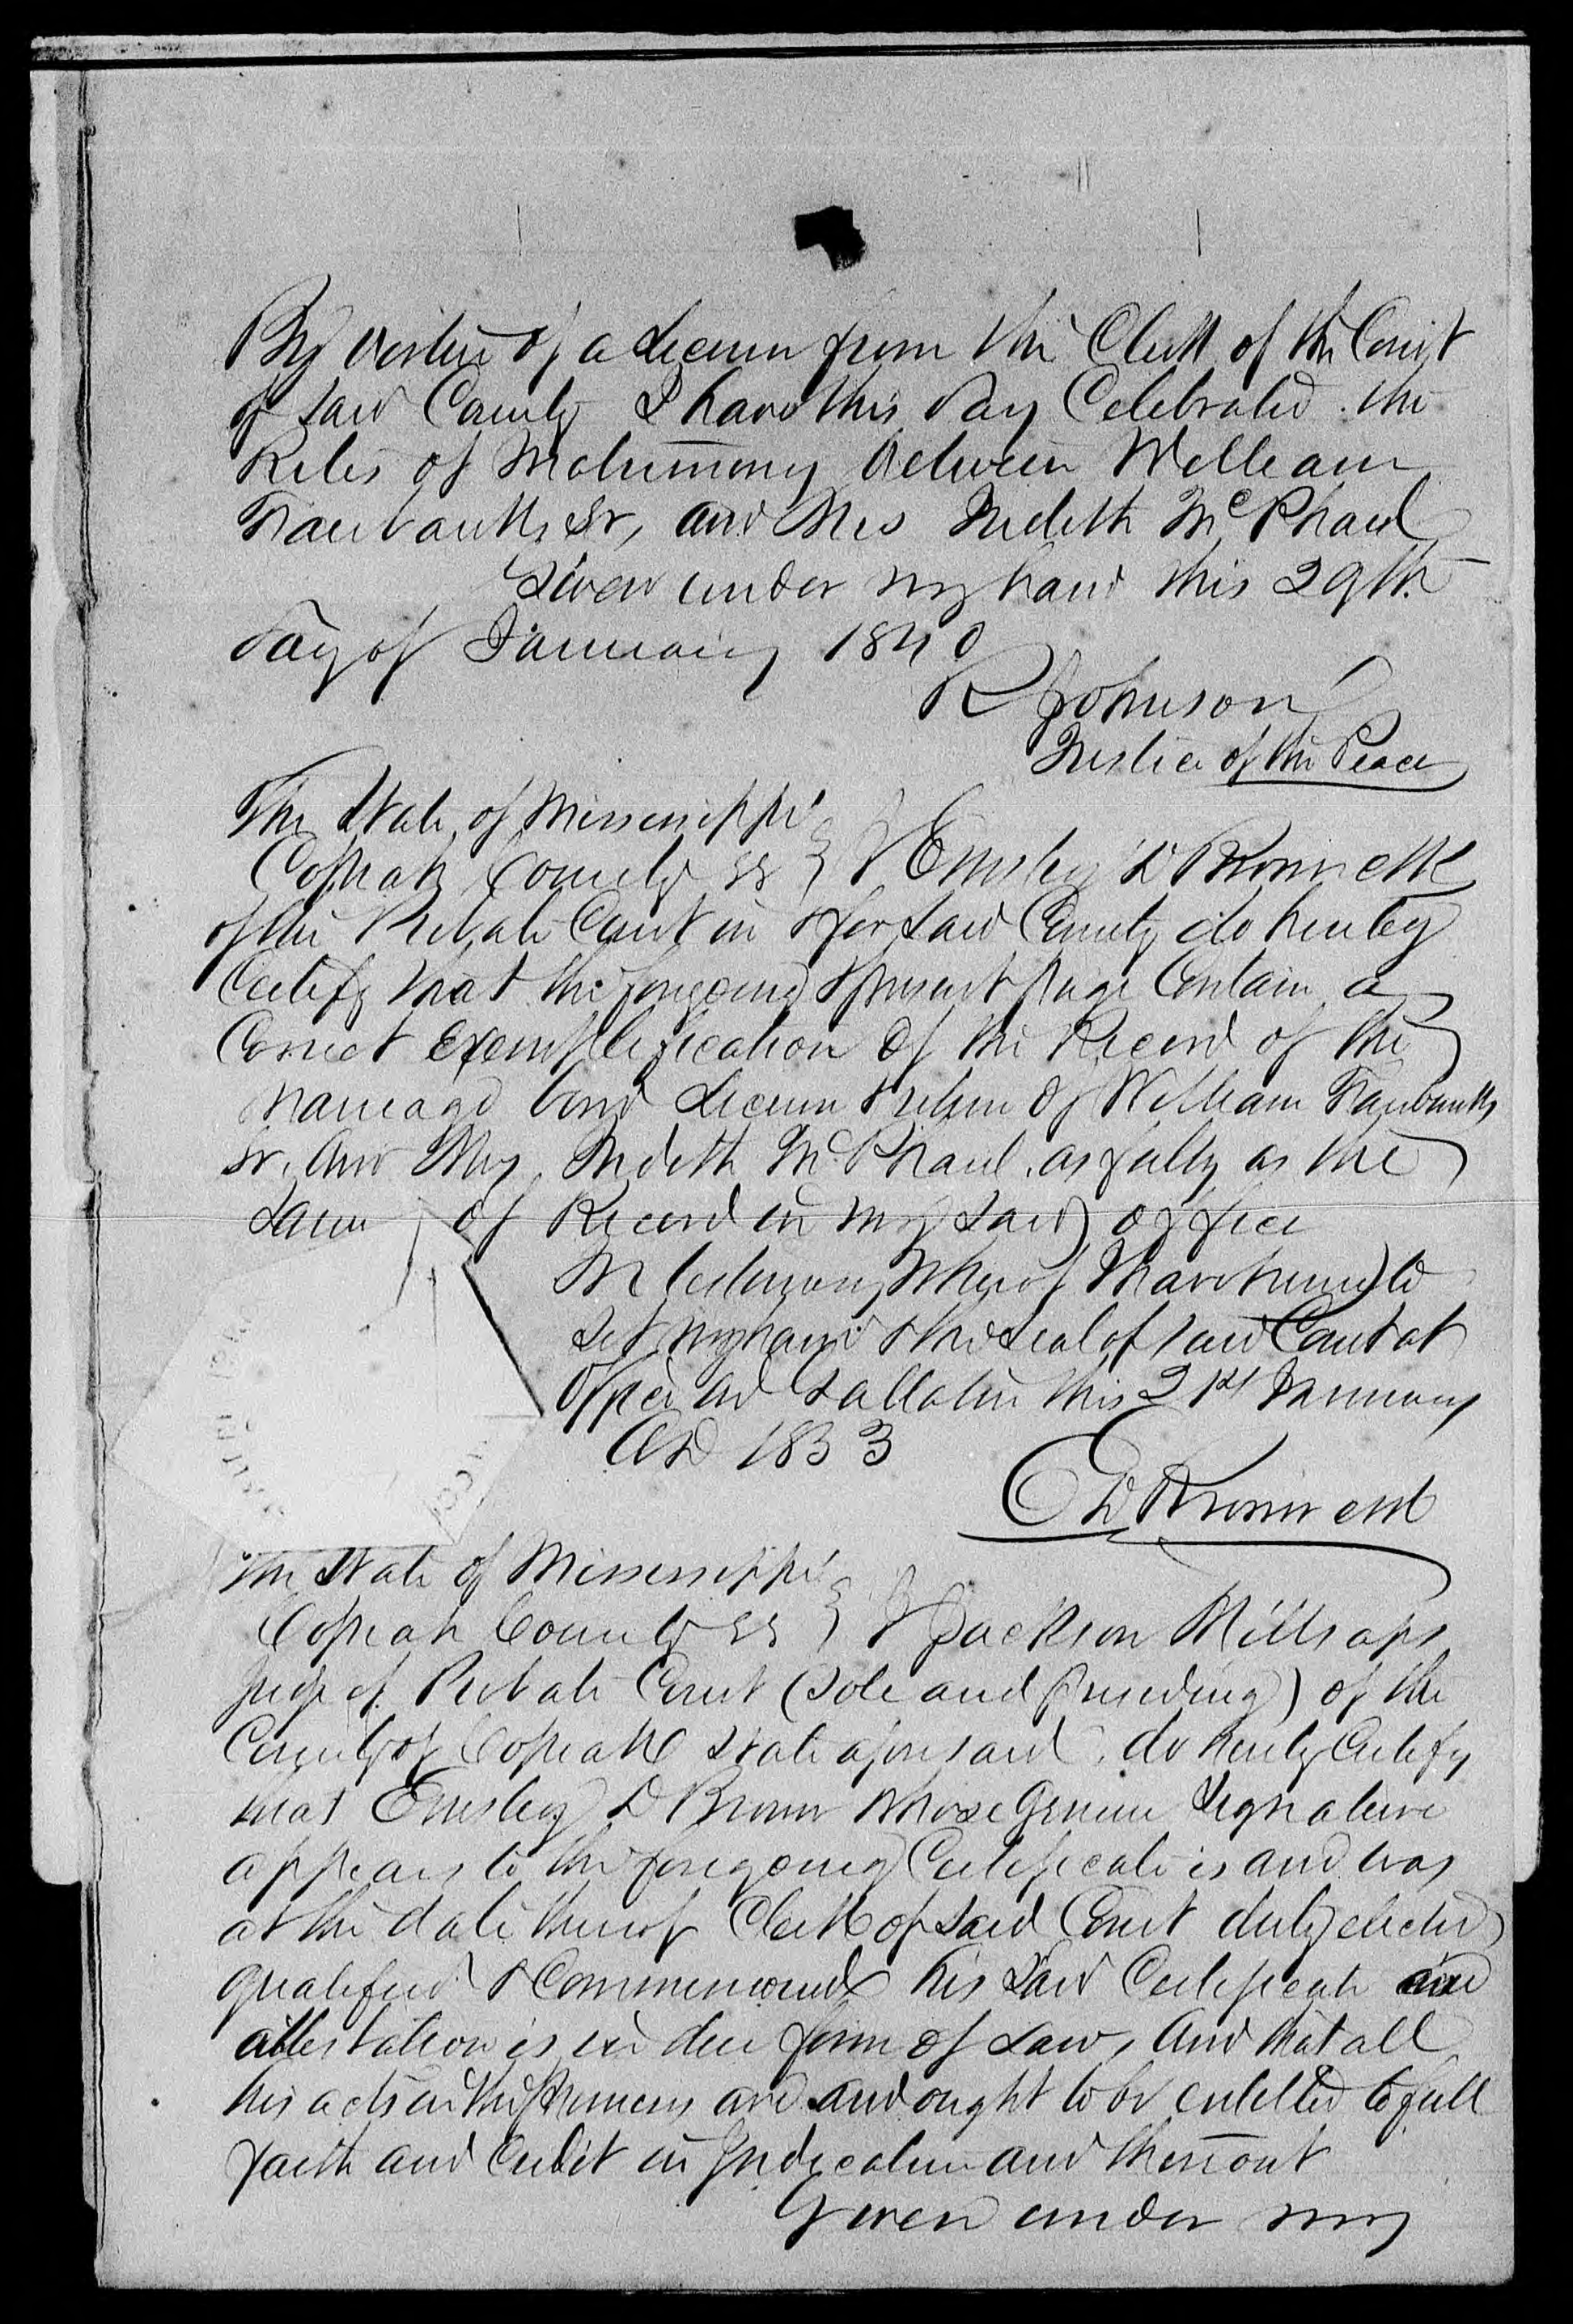By virtue of a License from the Clerk of the Court 
of said County I have this day celebrated the 
Rites of Matrimony between William 
Fairbanks Sr., and Mrs Judith McPhaul 
given under my hand this 29th - 
day of January 1840 
R Johnson,  
Justice of the Peace 

The State of Mississippi }
Copiah County SS } Emsley D Brown Clk 
of the Probate Court in aforsaid County do hereby 
Certify that the foregoing & present page contain a Correct Exemplification of the Record of the 
marriage and License & [illegible] of William Fairbanks,
Sr, And Mrs. Judeth McPhaul as fully as the 
[illegible] of Record in my said office 
in [illegible] whereof I have hereto
set my hand & the seal of said Court at
Office at Gallatin this 21st January  
AD 1833
ED Brown clk 

The State of Mississippi }
Copiah County ss } I Jackson Mills aps 
Judge of Probate Court (Sole and presiding) of the 
County of Copiah State aforesaid, do hereby certify 
that Emsley D Brown whose genuine signature 
appears to the foregoing Certificate is and was 
at the date thereof Clerk of said Court duly elected 
qualified & commenced his said Certificate and 
attestation is in due form of Law, and that all 
his acts in the premises and and ought to be entitled to full faith and credit in [illegible] and thereout 
Given under my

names: Emsley D Brown, Emsley D Brown, William Fairbanks, William Fairbanks, Judith Mc Phaul, R Johnson, Judith Mc Phaul, E D Brown, Jackson Mills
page: 15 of 17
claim: rejected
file: R. 3423, William Fairbanks, R.I.